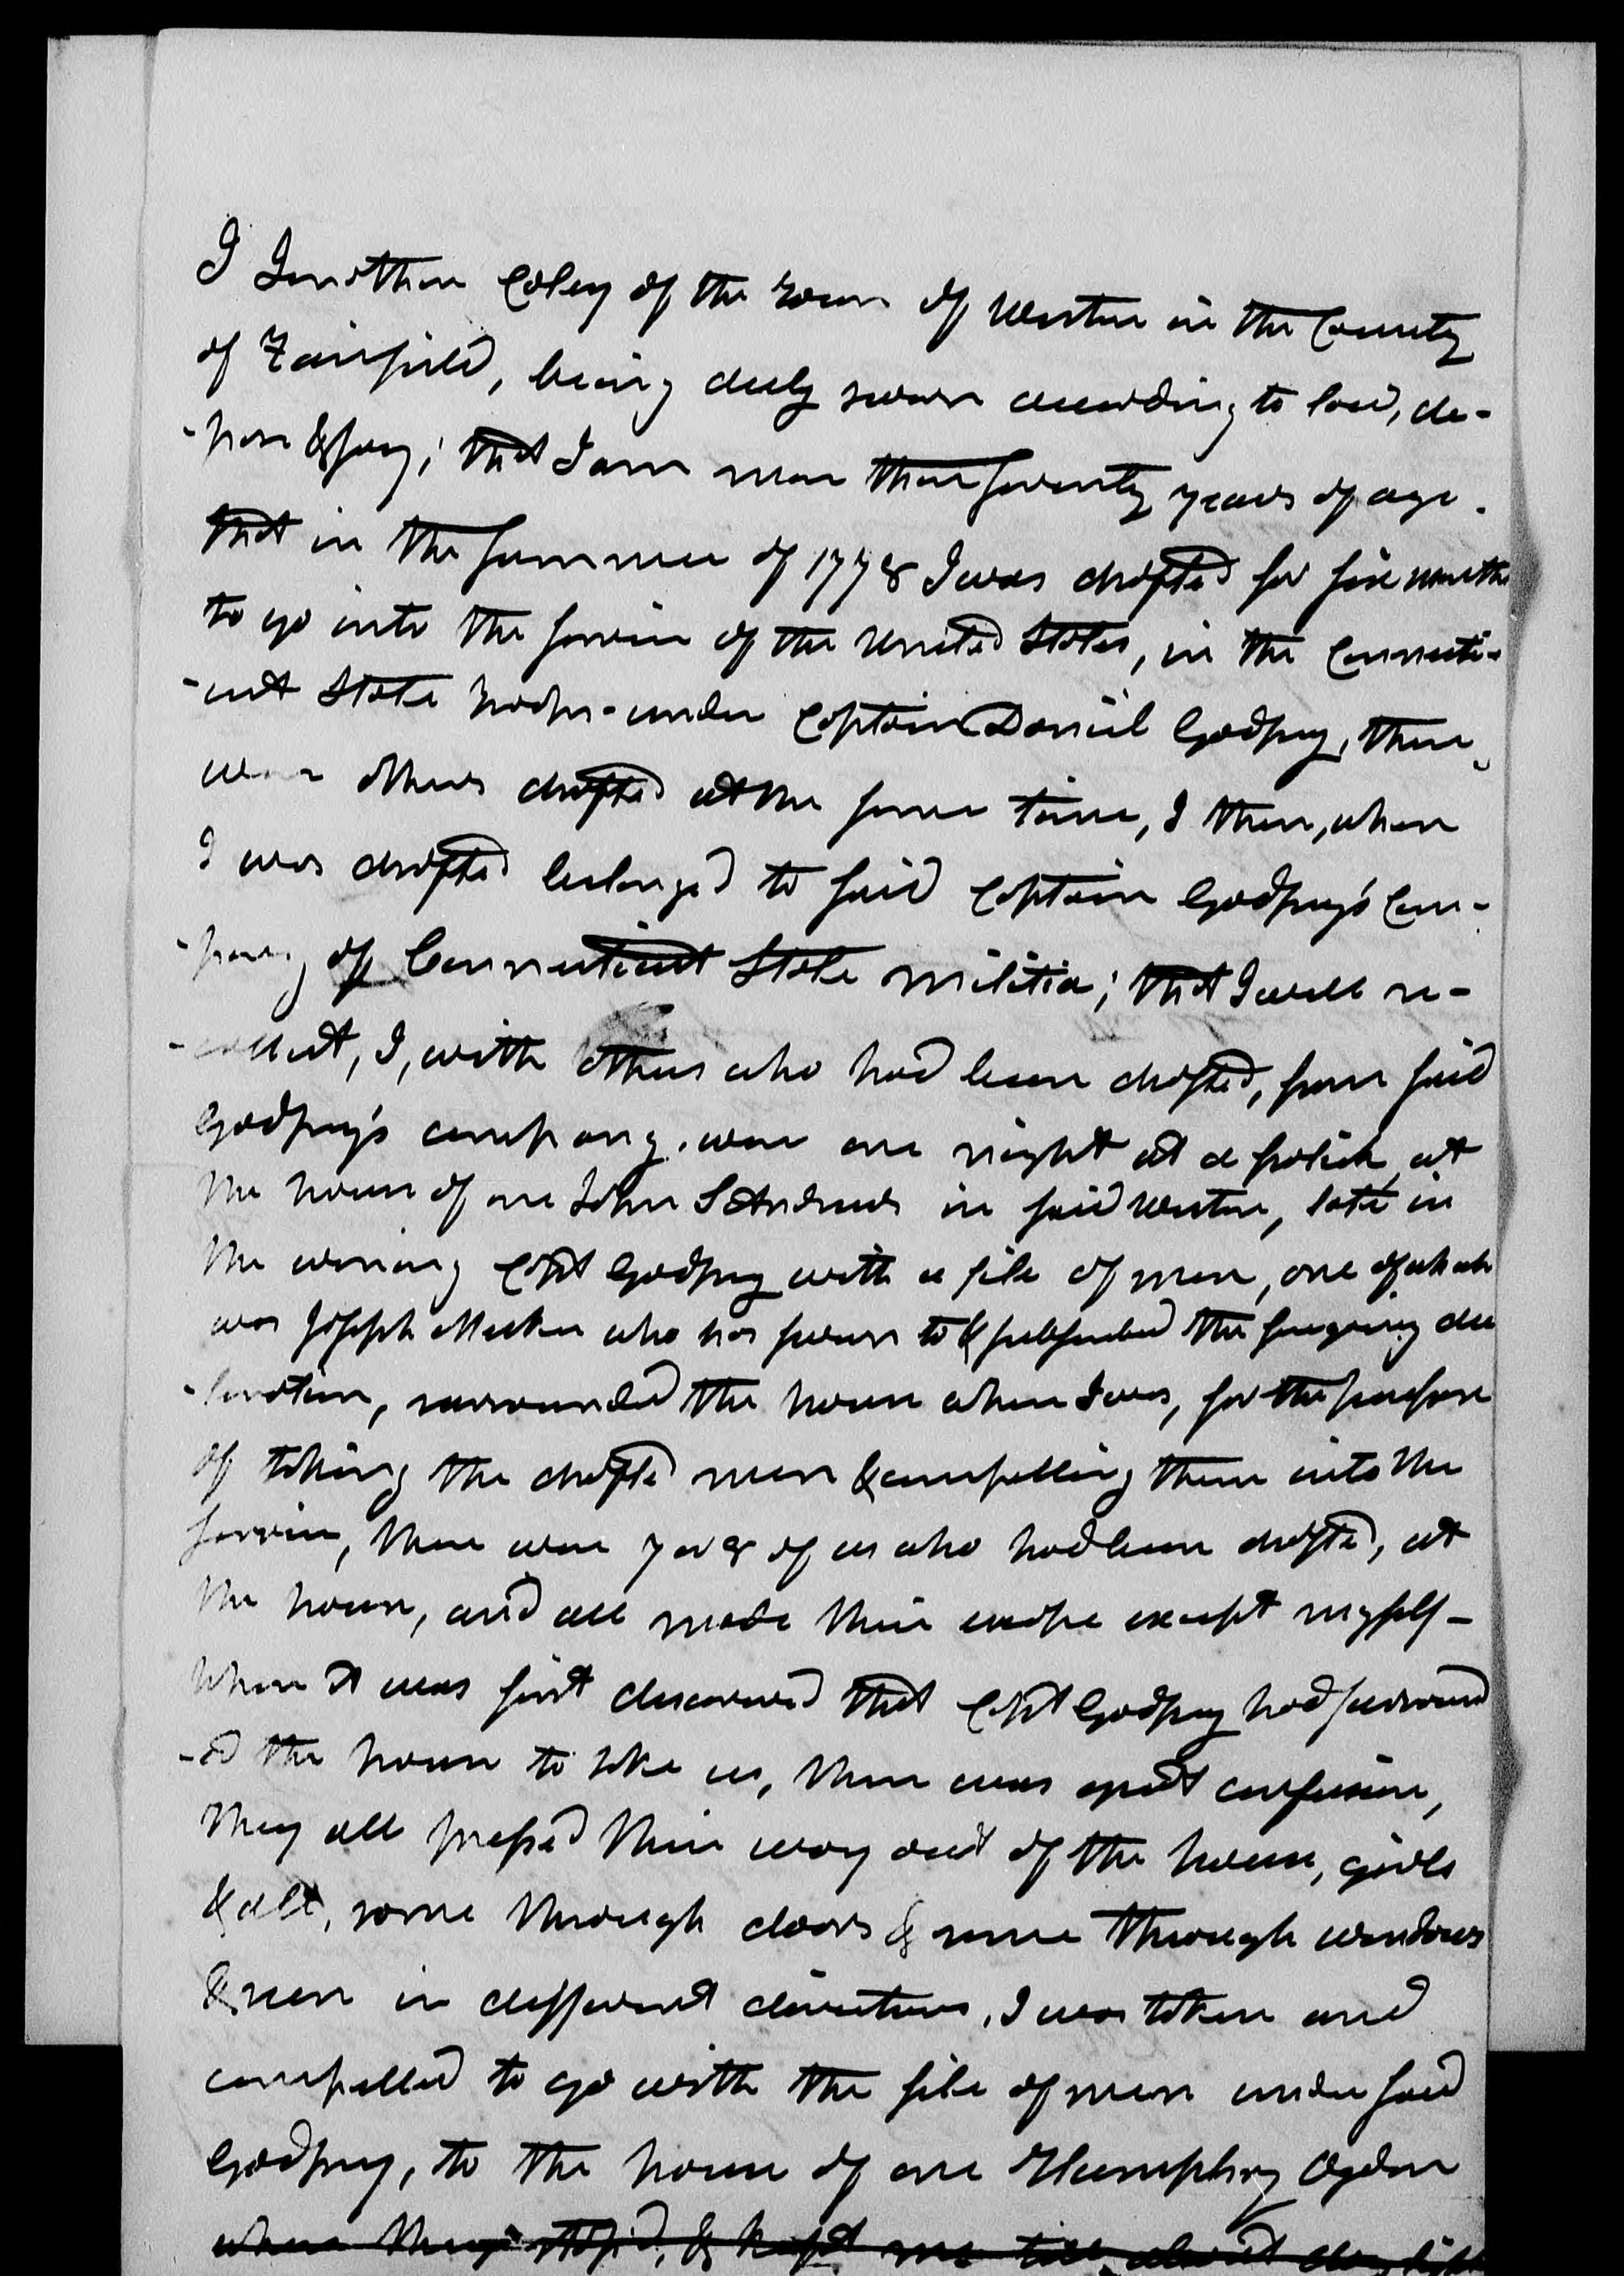I Jonathan Coley of the Town of Weston in the County of Fairfield, being duly sworn according to law, depose & say: that I am more than seventy years of age, that in the summer of 1778 I was drafted for five months to go into the service of the United States, in the Connecticut State Troops- under Captain Daniel Godfrey, there were others drafted at the same times, I then, when I was drafted belonged to said Captain Godfrey's Company of Connecticut State Militia; that I well recollect, I with others who had been drafted, from said Godfrey's company, were one night at a frolic, at the town of one John S Andreus in said Weston, late in the evening Capt. Godfrey with a file of men, one of which was Joseph Meeker who has sworn to be subscribed the foregoing declaration, surrounded the house where I was, for the purpose of taking the drafted men & compelling them into [two illegible words]., there were 7 or 8 of us who had been drafted, at the house, and all made their escape except myself -

When it was first discovered that Cpt Godfrey had surrounded and the house to take us, there was angst and confusion,     They all escaped their way out of the house, girls & all, some through doors & some through windows & ran in different directions. I was taken and compelled to go with the file of men under said Godfrey, to the house of one Humphrey Ogden  [last line crossed out]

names: Humphry Ogden; John S Andreus; Jonathan Coley; Daniel Godfrey; Joseph Meeker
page: 8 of 22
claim: survivor's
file: S. 15,517, for Joseph Meeker, Connecticut